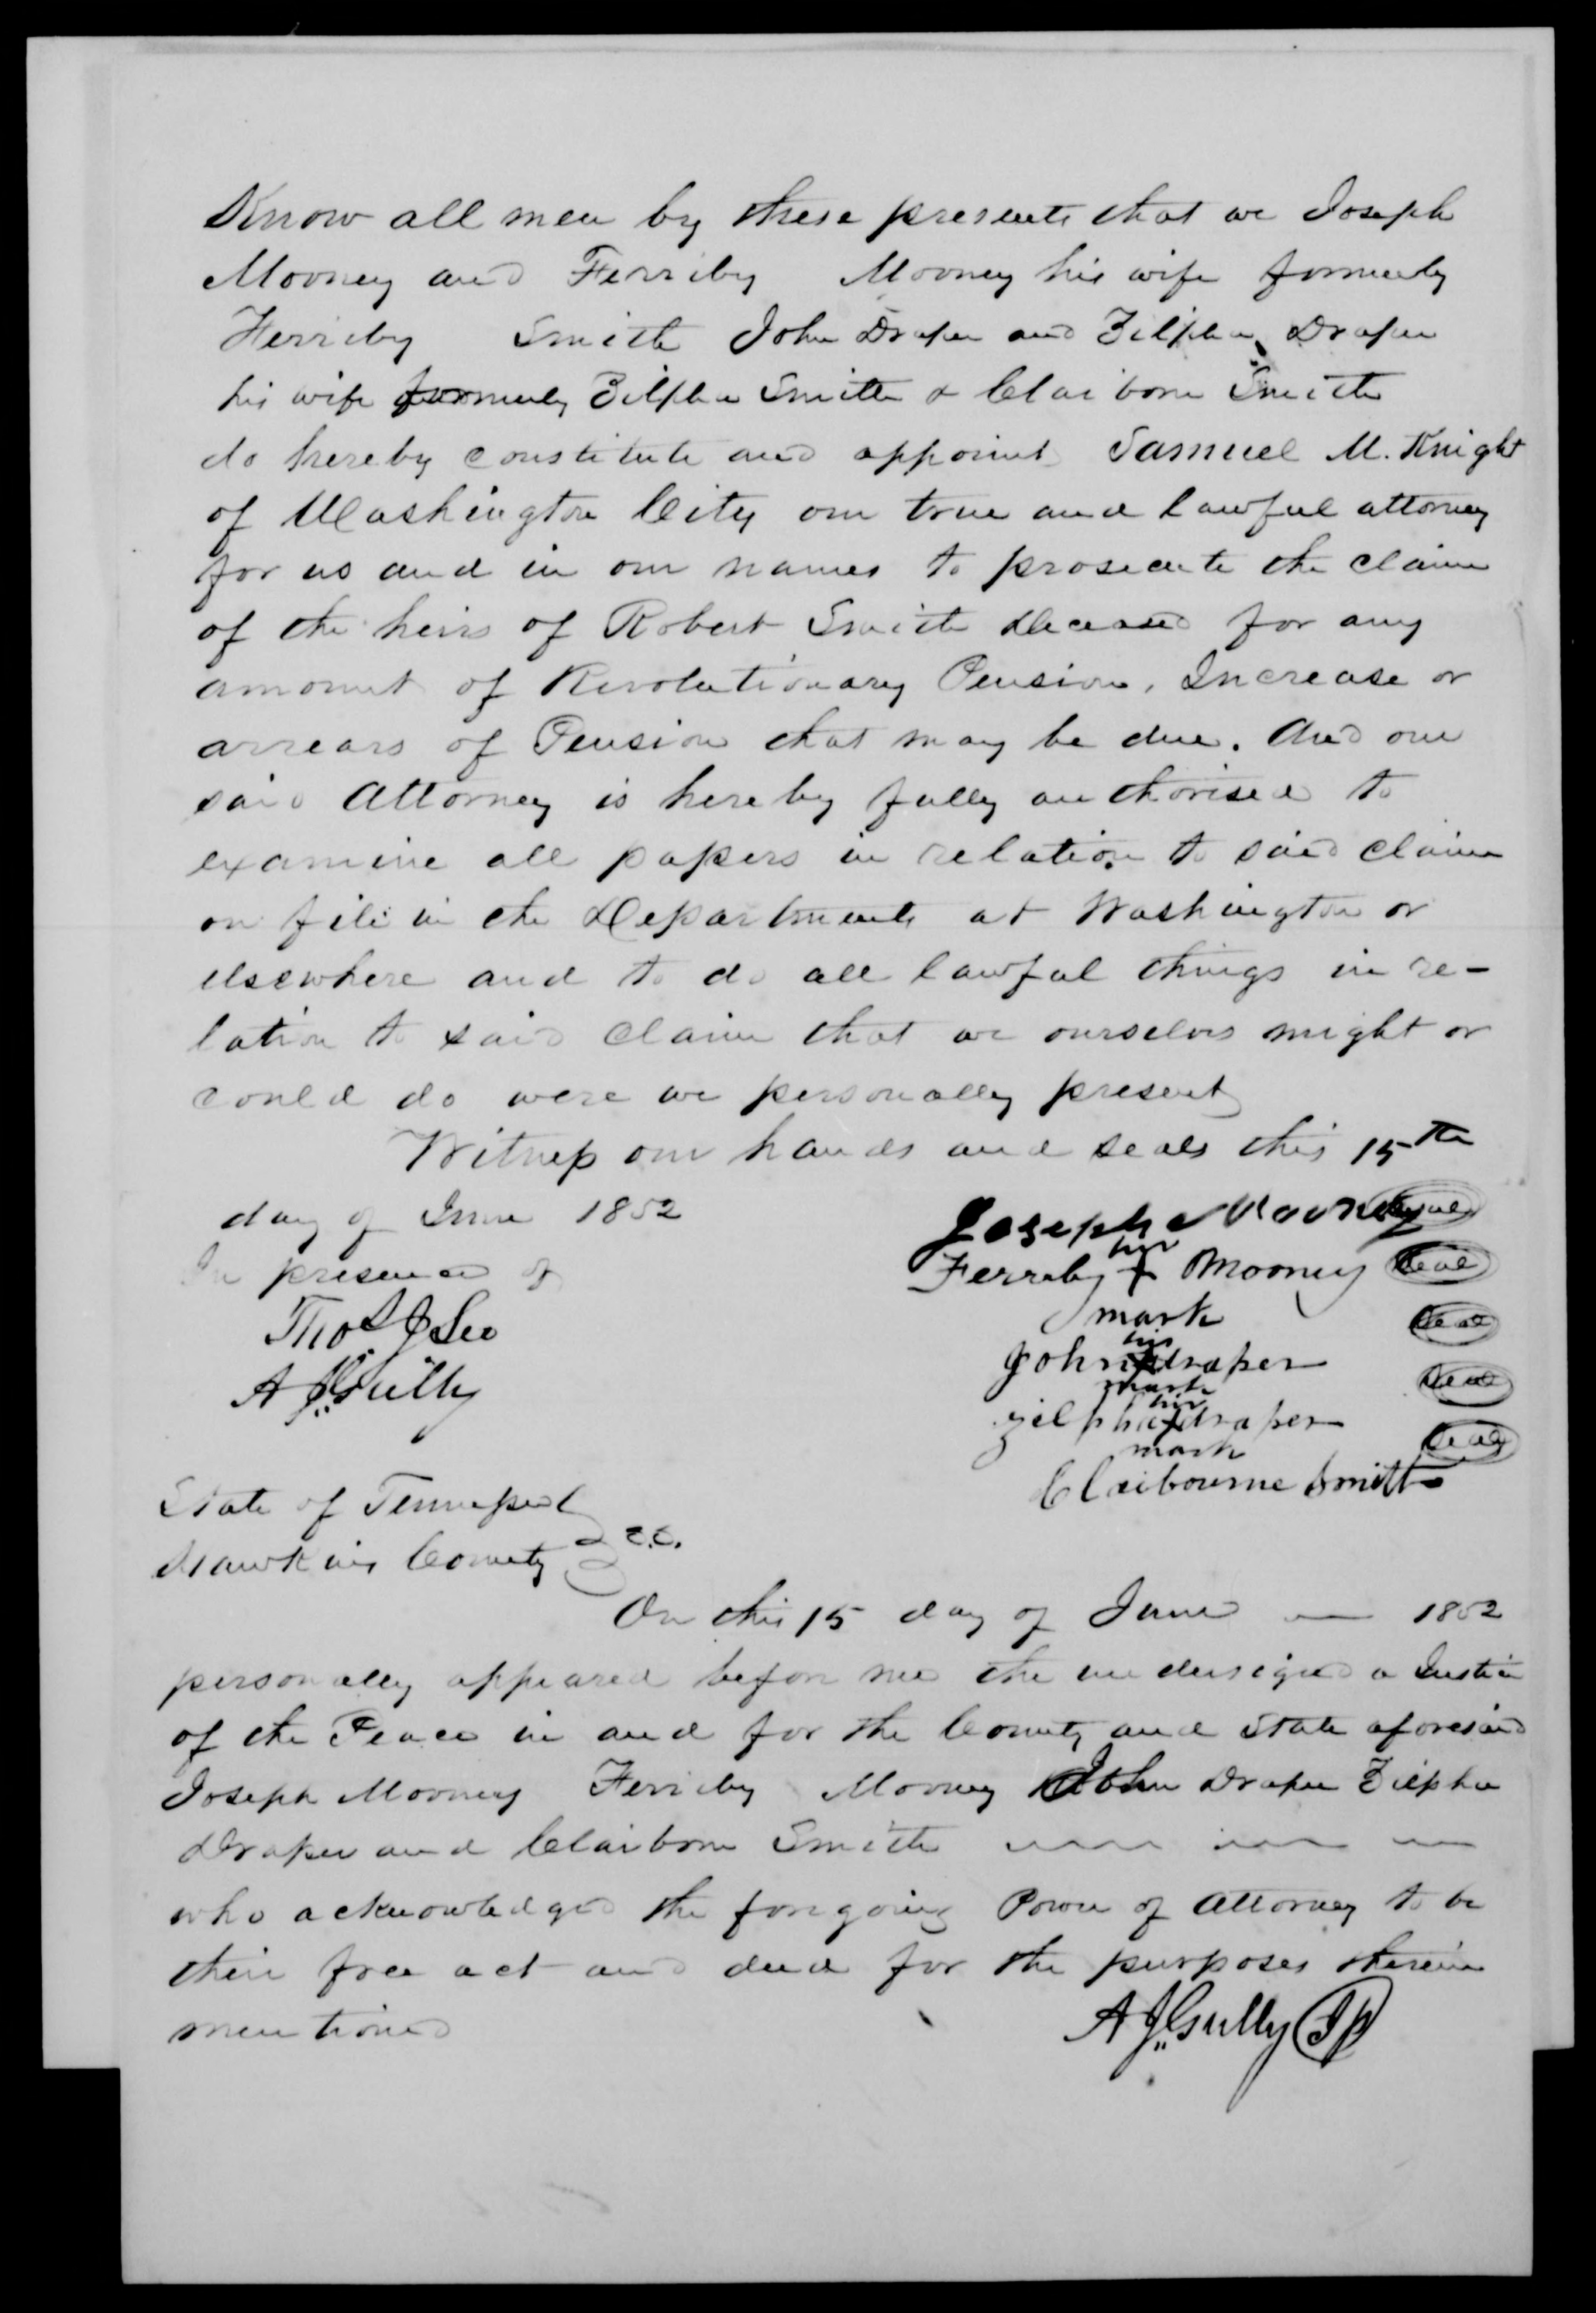Know all men by these presents that we Joseph Mooney and Ferriby Mooney his wife formerly Ferriby Smith, John Draper and Zilpha Draper his wife formerly Zilpha Smith & Claiborn Smith do hereby constitute and appoint Samuel M. Knight of Washington City one true and lawful attorney for us and in our names to prosecute the claim of the heirs of Robert Smith Deceased for any amount of Revolutionary Pension, Increase or
arrears of Pension that may be due. And one said attorney is hereby fully authorised to examine all papers in relation to said claim on file in the Departments at Washington or
elsewhere and to do all lawful things in relation
to said claim that we ourselves might or
could do were we personally present
Witness our hands and seals this 15th
day of June 1852 In presence of Thomas J Lee, AJ Gully
s/ Joseph Mooney
Ferriby Mooney X her mark
John Draper X his mark
Zilpha Draper X her mark
Claiborne Smith

State of Tennessee Hawkins County,
On this 15 day of June 1852
personally appeared before me the undersigned a Justice
of the Peace in and for the County and State aforesaid
Joseph Mooney Ferriby Mooney John Draper Zlpha
Draper and Claiborn Smith
who acknowledged the foregoing Power of Attorney to be
their free act and deed for the purposes therein
mentioned
A J. Gully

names: Ferriby Smith; John Draper; Robert Smith; Zilpha Draper; Claiborn Smith; John Draper; Joseph Mooney; A J Gully; Zilpha Draper; Joseph Mooney; Samuel M Knight; Thos J Lee; Ferreby Mooney; Claiborn Smith; Zilpha Draper; Ferriby Mooney; John Draper; Zilpha Smith; Ferriby Mooney; Joseph Mooney; A J Gully; Claibourne Smith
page: 31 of 79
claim: widow's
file: W. 1504, for Robert Smith, North Carolina